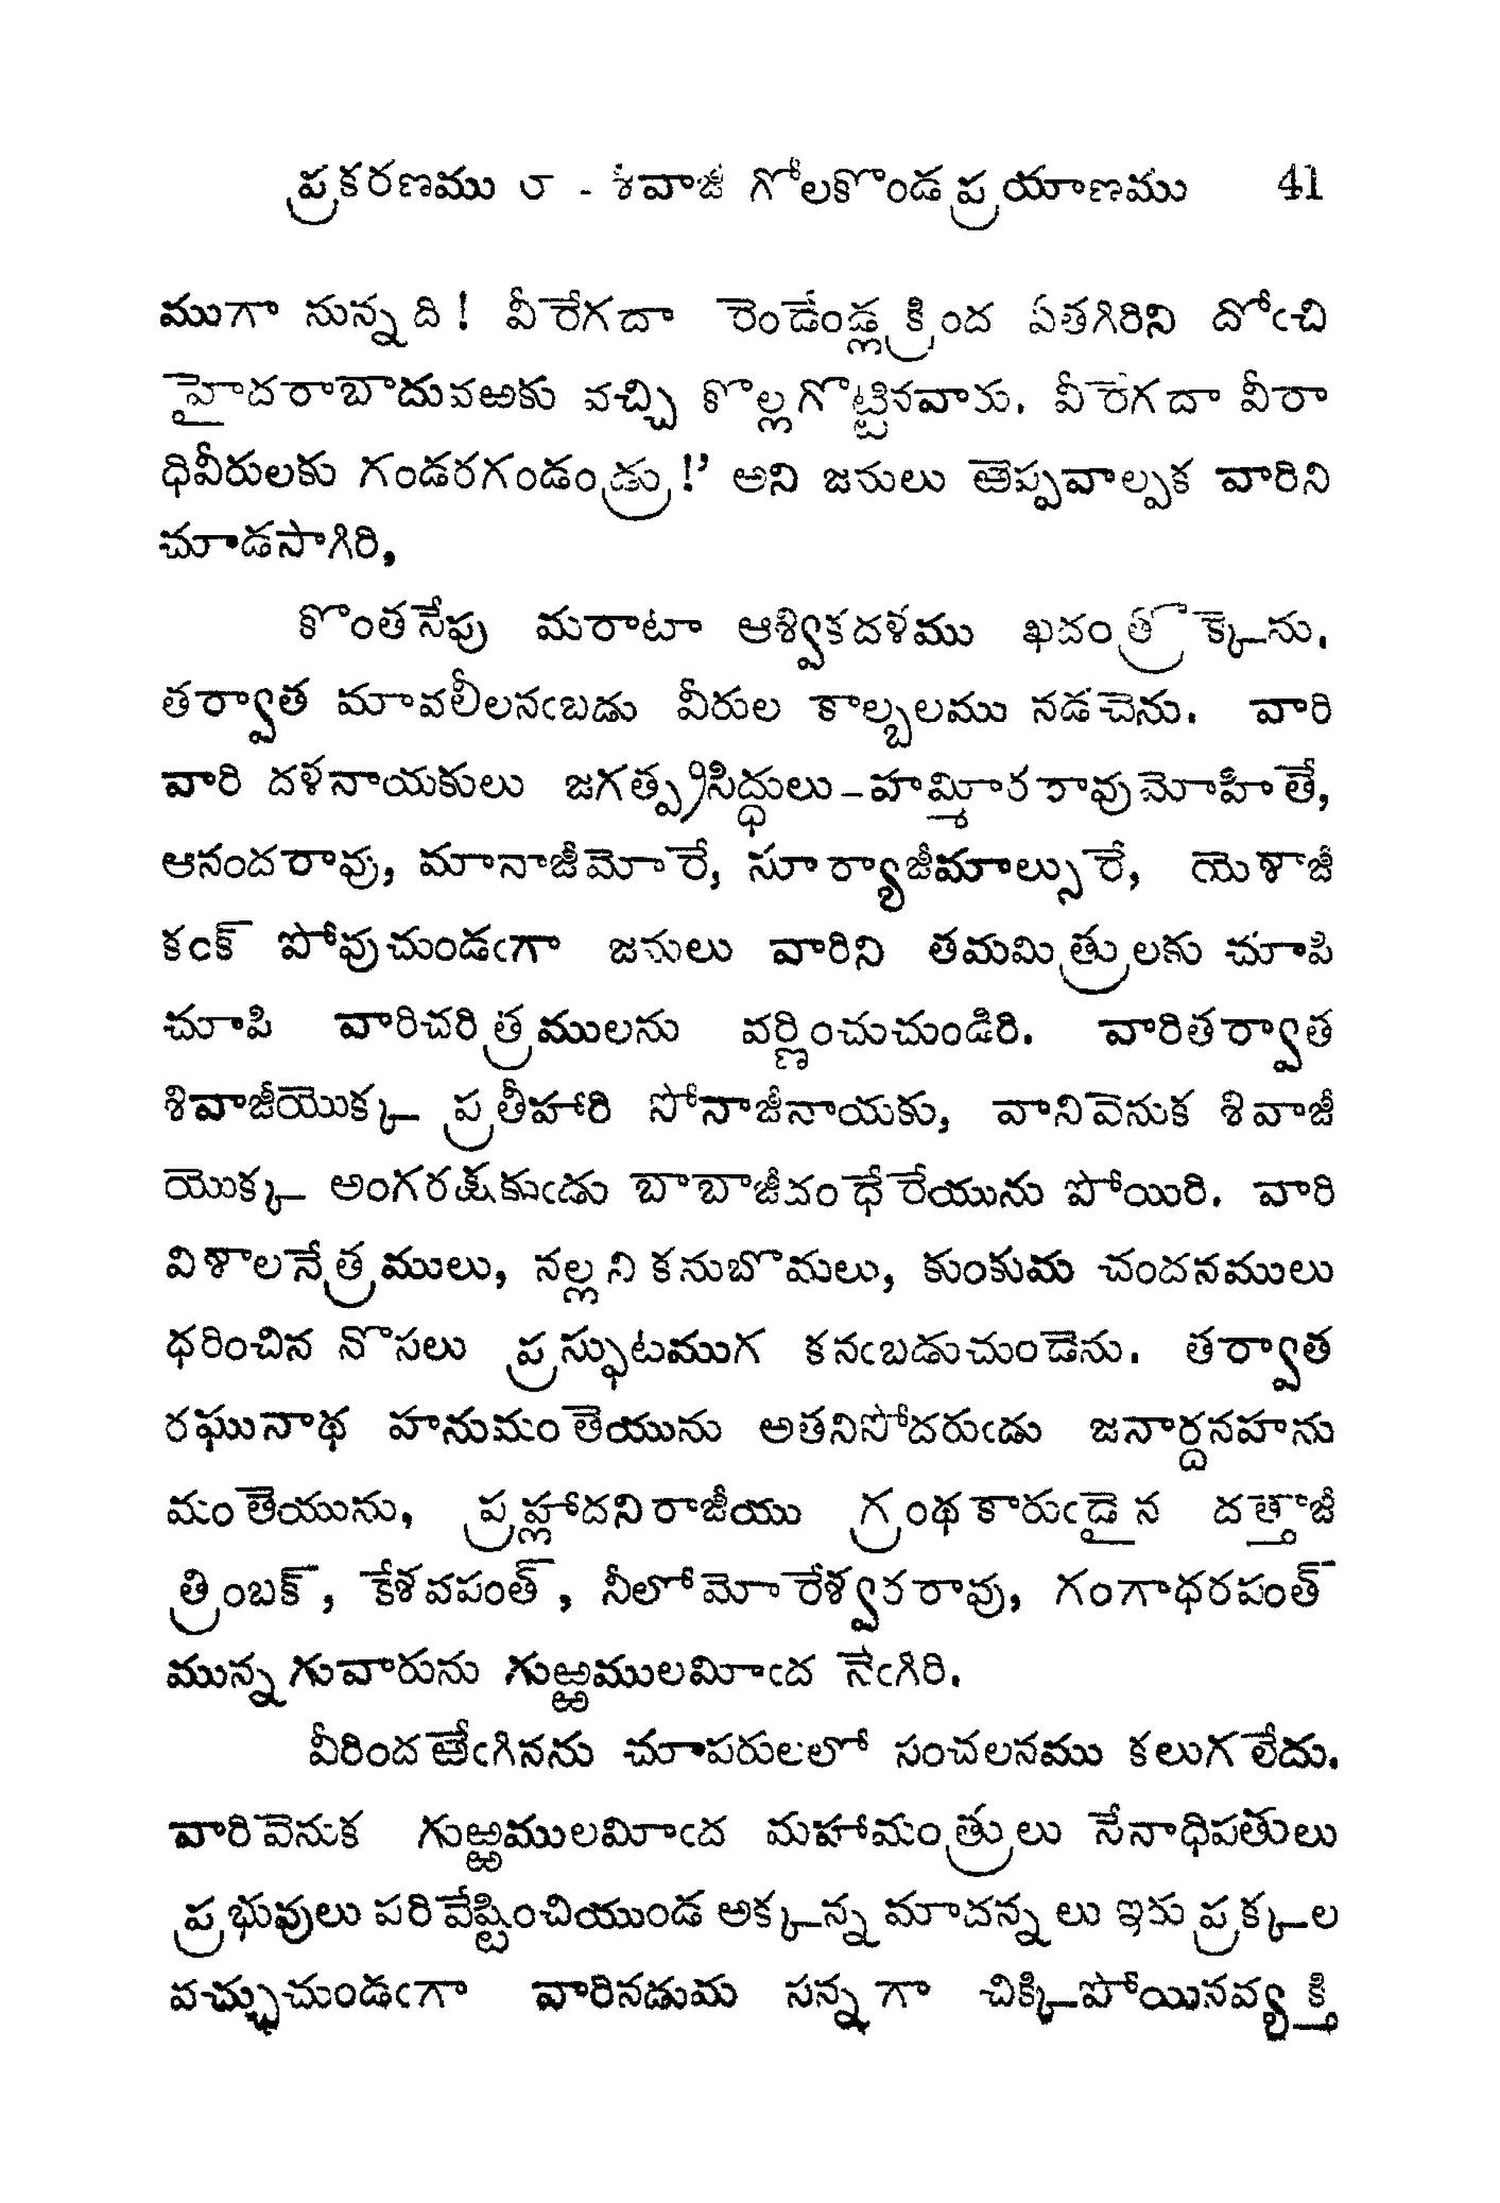ముగా నున్నది! వీరేగదా రెండేండ్లక్రింద ఏతగిరిని దోఁచి హైదరాబాదువఱకు వచ్చి కొల్లగొట్టినవారు. వీరేగదా వీరాధివీరులకు గండరగండండ్రు!’ అని జనులు ఱెప్పవాల్పక వారిని చూడసాగిరి.

కొంతసేపు మరాటా ఆశ్వికదళము ఖదంత్రొక్కెను. తర్వాత మావలీలనఁబడు వీరుల కాల్బలము నడచెను. వారి వారి దళనాయకులు జగత్ప్రసిద్ధులు - హమ్మీరరావుమోహితే, ఆనందరావు, మానాజీమోరే, సూర్యాజీమాల్సురే, యెశాజీ కంక్ పోవుచుండఁగా జనులు వారిని తమమిత్రులకు చూపి చూపి వారిచరిత్రములను వర్ణించుచుండిరి. వారితర్వాత శివాజీయొక్క ప్రతీహారి సోనాజీనాయకు, వానివెనుక శివాజీయొక్క అంగరక్షకుఁడు బాబాజీదంధేరేయును పోయిరి. వారి విశాలనేత్రములు, నల్లని కనుబొమలు, కుంకుమ చందనములు ధరించిన నొసలు ప్రస్ఫుటముగ కనఁబడుచుండెను. తర్వాత రఘునాథ హనుమంతెయును అతనిసోదరుఁడు జనార్దనహనుమంతెయును, ప్రహ్లాదనిరాజీయు గ్రంథకారుఁడైన దత్తాజీ త్రింబక్, కేశవపంత్, నీలోమోరేశ్వరరావు, గంగాధరపంత్ మున్నగువారును గుఱ్ఱముల మీఁద నేఁగిరి,

వీరిందఱేఁగినను చూపరులలో సంచలనము కలుగలేదు. వారివెనుక గుఱ్ఱములమీఁద మహామంత్రులు సేనాధిపతులు ప్రభువులు పరివేష్టించియుండ అక్కన్న మాదన్నలు ఇరుప్రక్కల వచ్చుచుండగా వారినడుమ సన్నగా చిక్కిపోయినవ్యక్తి